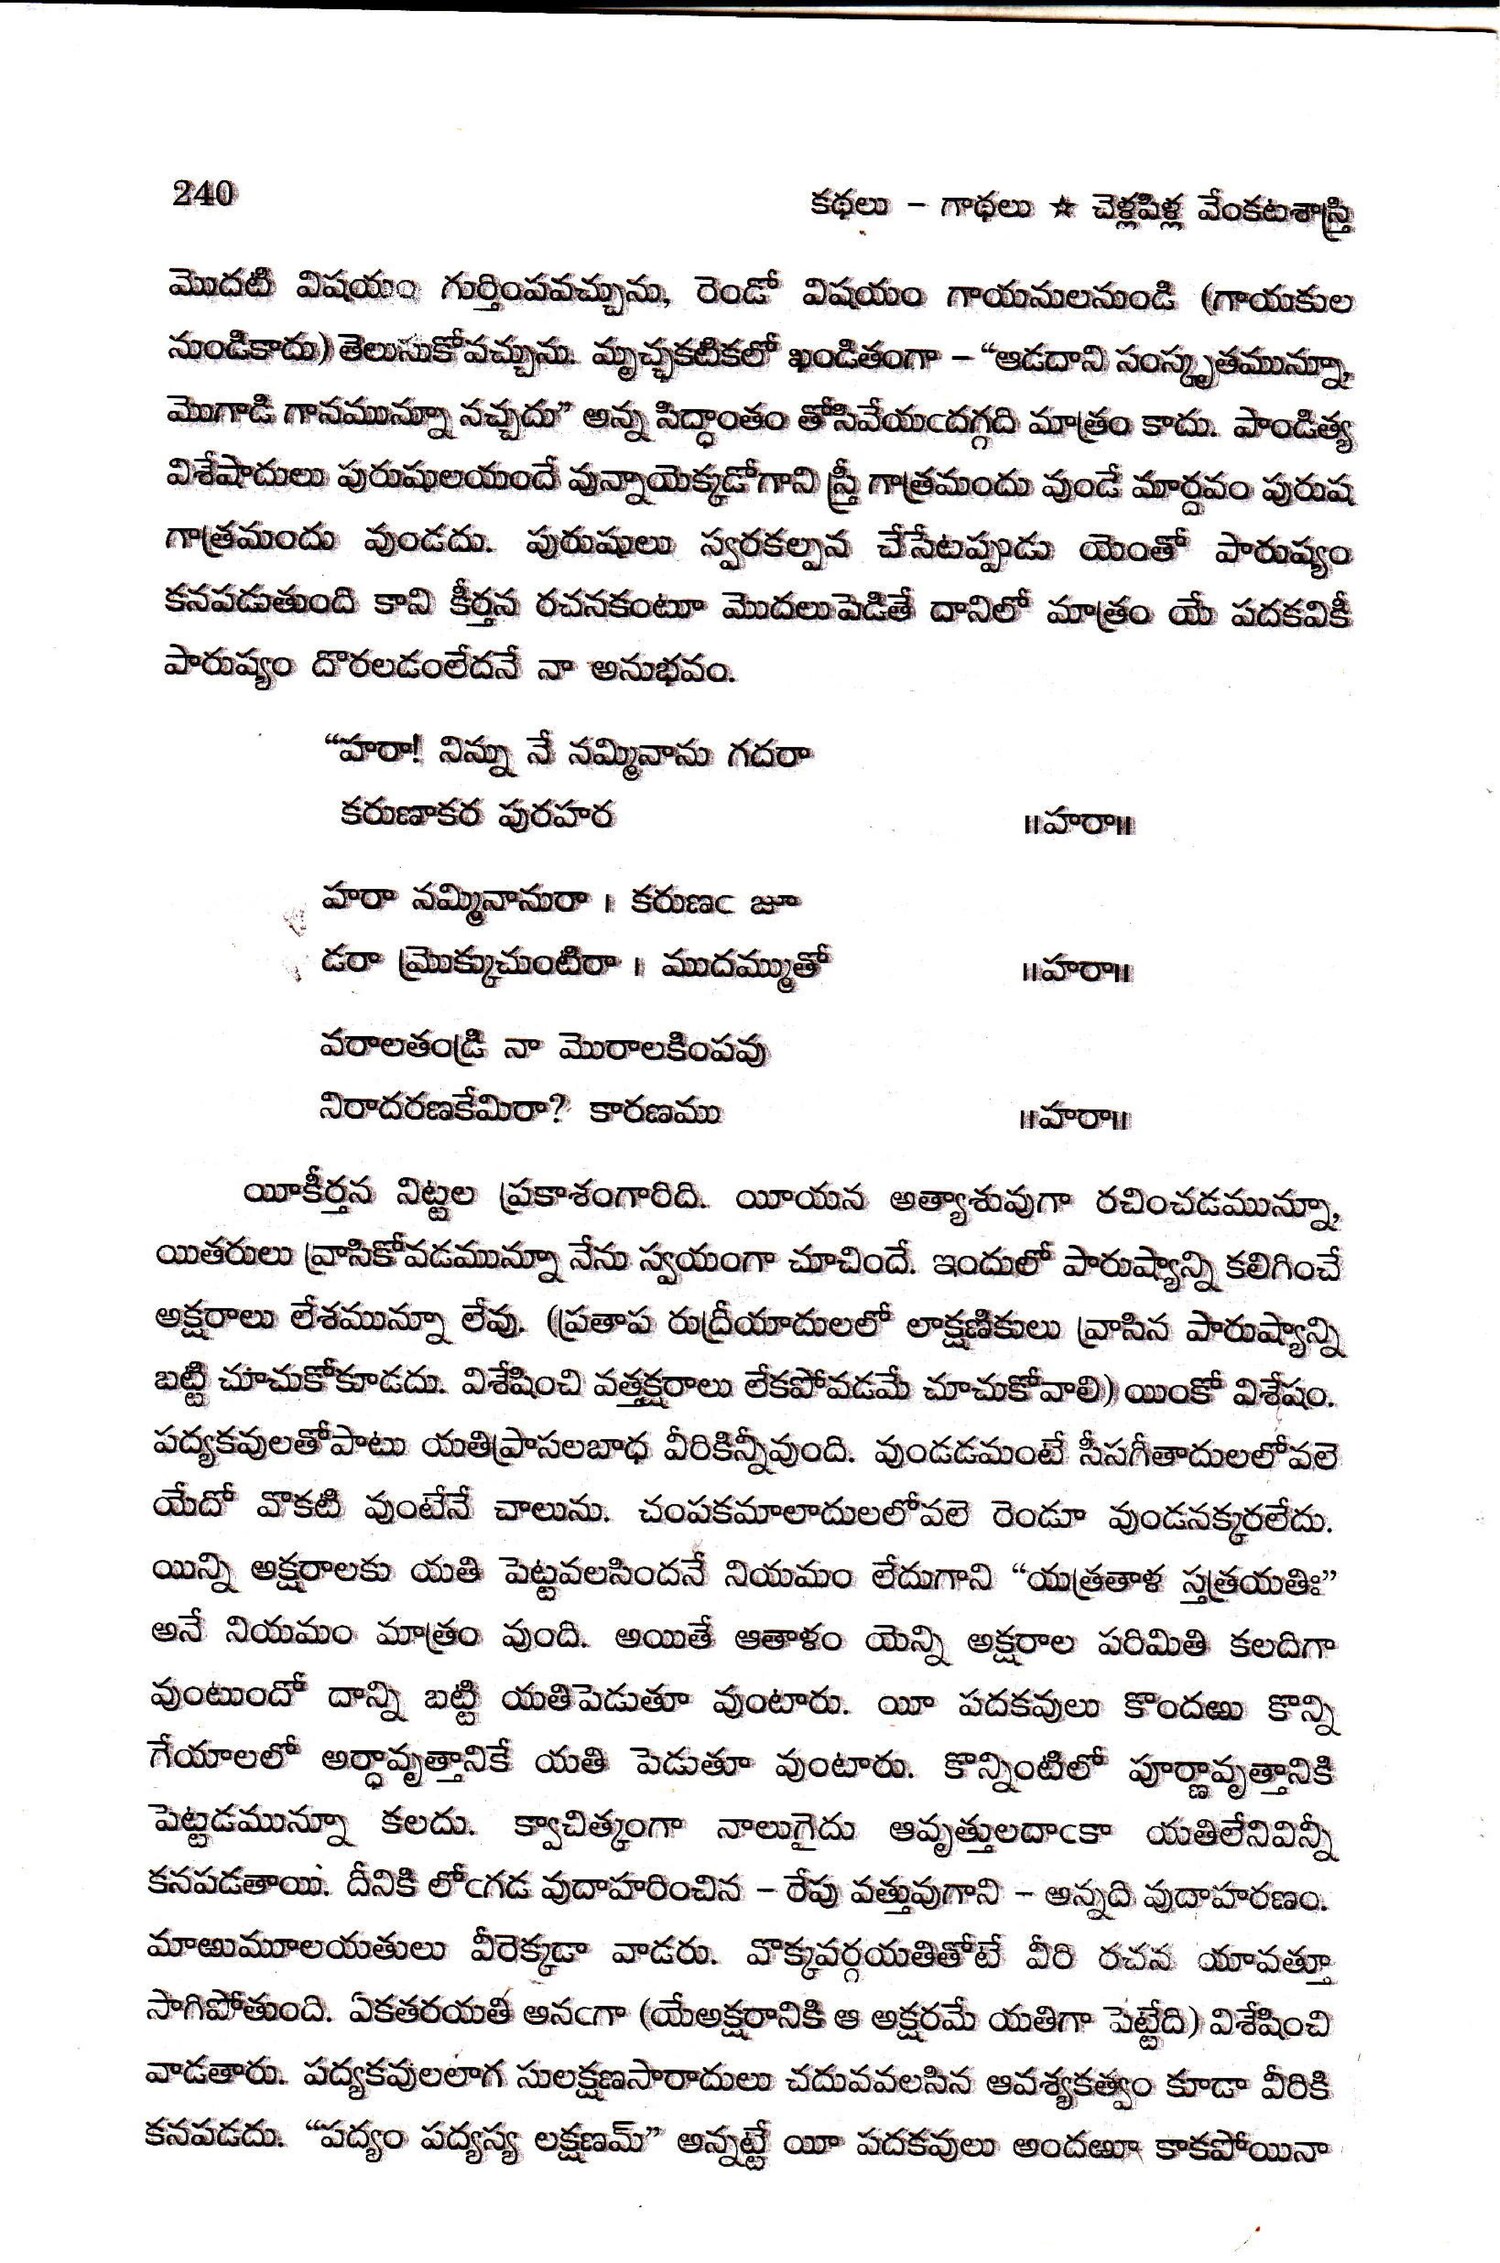మొదటి విషయం గుర్తింపవచ్చును, రెండో విషయం గాయనులనుండి (గాయకుల నుండికాదు) తెలుసుకోవచ్చును. మృచ్ఛకటికలో ఖండితంగా - "ఆడదాని సంస్కృతమున్నూ, మొగాడి గానమున్నూ నచ్చదు” అన్న సిద్ధాంతం తోసివేయఁదగ్గది మాత్రం కాదు. పాండిత్య విశేషాదులు పురుషులయందే వున్నాయెక్కడోగాని స్త్రీ గాత్రమందు వుండే మార్దవం పురుష గాత్రమందు వుండదు. పురుషులు స్వరకల్పన చేసేటప్పుడు యెంతో పారుష్యం కనపడుతుంది కాని కీర్తన రచనకంటూ మొదలు పెడితే దానిలో మాత్రం యే పదకవికీ పారుష్యం దొరలడం లేదనే నా అనుభవం.

“హరా! నిన్ను నే నమ్మినాను గదరా 
 కరుణాకర పురహర ||హరా|| 

 హరా నమ్మినానురా | కరుణఁ జూ
 డరా మ్రొక్కుచుంటిరా || ముదమ్ముతో || హరా|| 

 వరాలతండ్రి నా మొరాలకింపవు 
 నిరాదరణకేమిరా? కారణము ||హరా|| 
యీకీర్తన విట్టల ప్రకాశంగారిది. యీయన అత్యాశువుగా రచించడమున్నూ, యితరులు వ్రాసికోవడమున్నూ నేను స్వయంగా చూచిందే. ఇందులో పారుష్యాన్ని కలిగించే అక్షరాలు లేశమున్నూ లేవు. (ప్రతాప రుద్రీయాదులలో లాక్షణికులు వ్రాసిన పారుష్యాన్ని బట్టి చూచుకోకూడదు. విశేషించి వత్తక్షరాలు లేకపోవడమే చూచుకోవాలి) యింకో విశేషం. పద్యకవులతోపాటు యతిప్రాసలబాధ వీరికిన్నీవుంది. వుండడమంటే సీసగీతాదులలోవలె యేదో వొకటి వుంటేనే చాలును. చంపకమాలాదులలోవలె రెండూ వుండనక్కరలేదు. యిన్ని అక్షరాలకు యతి పెట్టవలసిందనే నియమం లేదుగాని “యత్రతాళ స్తత్రయతిః” అనే నియమం మాత్రం వుంది. అయితే ఆతాళం యెన్ని అక్షరాల పరిమితి కలదిగా వుంటుందో దాన్ని బట్టి యతి పెడుతూ వుంటారు. యీ పదకవులు కొందఱు కొన్ని గేయాలలో అర్ధావృత్తానికే యతి పెడుతూ వుంటారు. కొన్నింటిలో పూర్ణావృత్తానికి పెట్టడమున్నూ కలదు. క్వాచిత్కంగా నాలుగైదు ఆవృత్తులదాఁకా యతిలేనివిన్నీ కనపడతాయి. దీనికి లోఁగడ వుదాహరించిన - రేపు వత్తువుగాని - అన్నది. వుదాహరణం. మాఱుమూలయతులు వీరెక్కడా వాడరు. వొక్కవర్గయతితోటే వీరి రచన యావత్తూ సాగిపోతుంది. ఏకతరయతి అనఁగా (యే అక్షరానికి ఆ అక్షరమే యతిగా పెట్టేది) విశేషించి వాడతారు. పద్యకవులలాగ సులక్షణసారాదులు చదువవలసిన ఆవశ్యకత్వం కూడా వీరికి కనపడదు. “పద్యం పద్యస్య లక్షణమ్” అన్నట్టే యీ పదకవులు అందఱూ కాకపోయినా